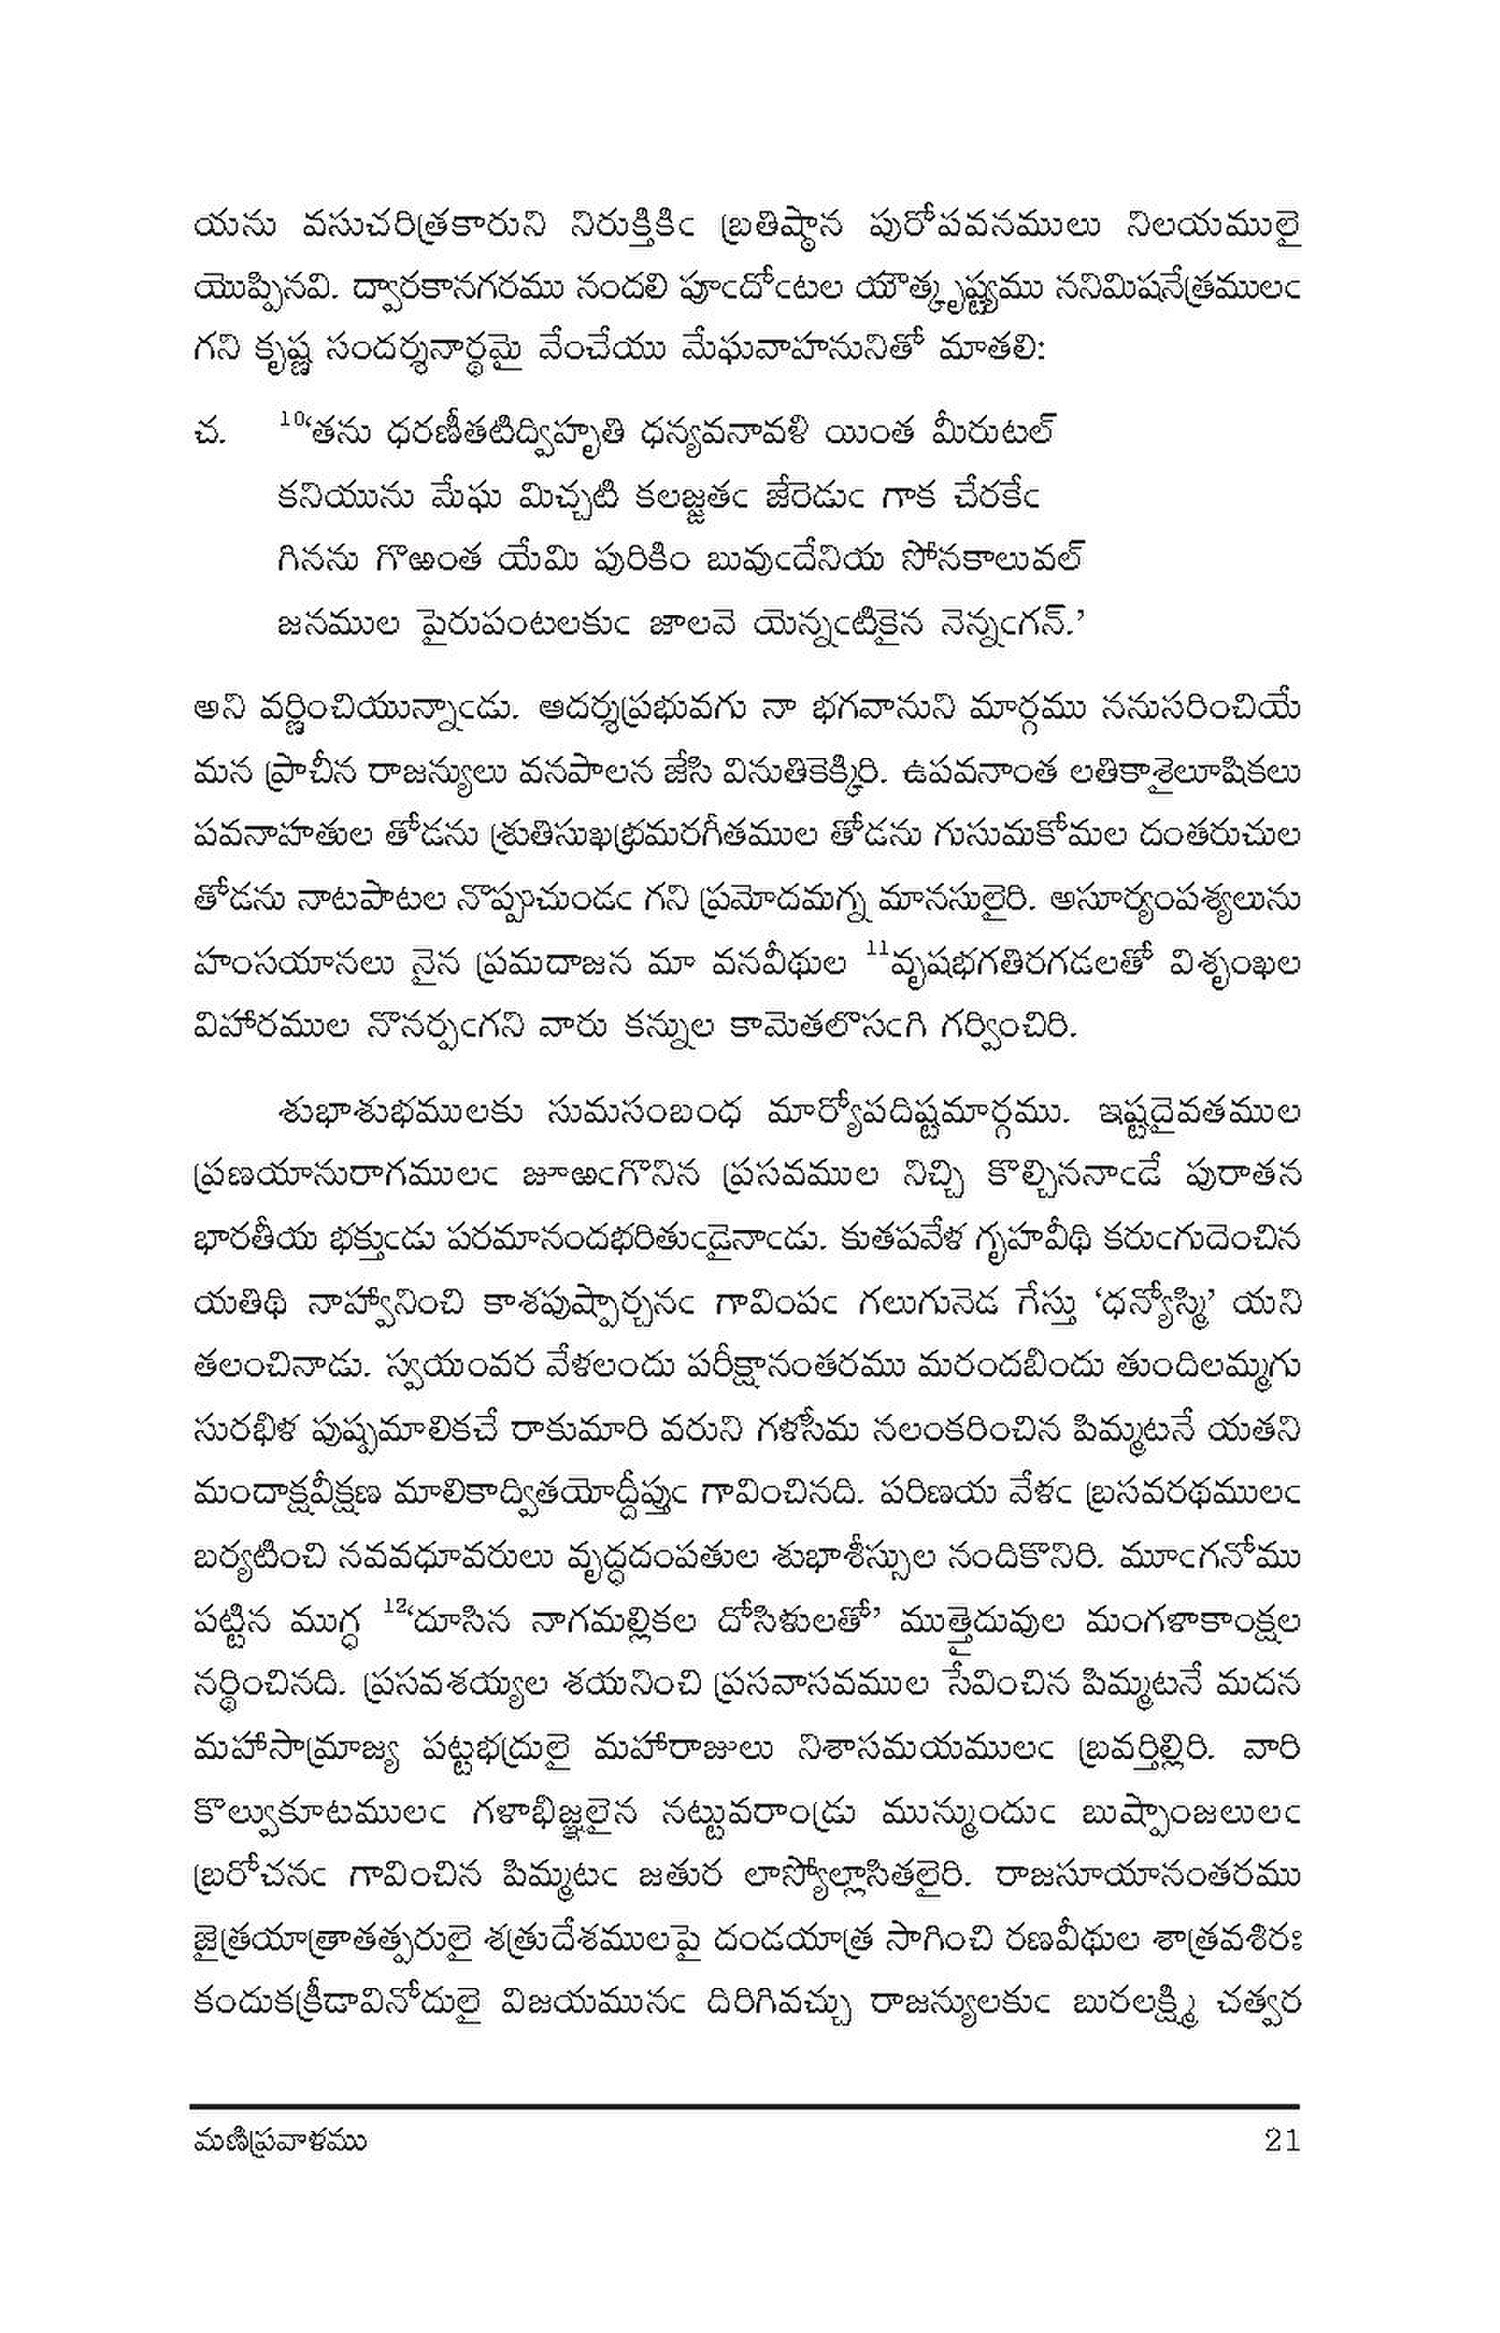యను వసుచరిత్రకారుని నిరుక్తికిఁ బ్రతిష్ఠాన పురోపవనములు నిలయములై యొప్పినవి. ద్వారకానగరము నందలి పూఁదోఁటల యౌత్కృష్ట్యము ననిమిషనేత్రములఁ గని కృష్ణ సందర్శనార్థమై వేంచేయు మేఘవాహనునితో మాతలి:

చ. తను ధరణీతటిద్విహృతి ధన్యవనావళి యింత మీరుటల్
 కనియును మేఘ మిచ్చటి కలజ్జతఁ జేరెడుఁ గాక చేరకేఁ
 గినను గొఱంత యేమి పురికిం బువుఁదేనియ సోనకాలువల్
 జనముల పైరుపంటలకుఁ జాలవె యెన్నఁటికైన నెన్నఁగన్.'

అని వర్ణించియున్నాఁడు. ఆదర్శప్రభువగు నా భగవానుని మార్గము ననుసరించియే మన ప్రాచీన రాజన్యులు వనపాలన జేసి వినుతికెక్కిరి. ఉపవనాంత లతికాశైలూషికలు పవనాహతుల తోడను శ్రుతిసుఖభ్రమరగీతముల తోడను గుసుమకోమల దంతరుచుల తోడను నాటపాటల నొప్పుచుండఁ గని ప్రమోదమగ్న మానసులైరి. అసూర్యంపశ్యలును హంసయానలు నైన ప్రమదాజన మా వనవీథుల "వృషభగతిరగడలతో విశృంఖల విహారముల నొనర్పఁగని వారు కన్నుల కామెతలొసఁగి గర్వించిరి.

శుభాశుభములకు సుమసంబంధ మార్యోపదిష్టమార్గము. ఇష్టదైవతముల ప్రణయానురాగములఁ జూఱఁగొనిన ప్రసవముల నిచ్చి కొల్చిననాఁడే పురాతన భారతీయ భక్తుఁడు పరమానందభరితుఁ డైనాఁడు. కుతపవేళ గృహవీథి కరుఁగుదెంచిన యతిథి నాహ్వానించి కాశపుష్పార్చనఁ గావింపఁ గలుగునెడ గేస్తు 'ధన్యోస్మి' యని తలంచినాడు. స్వయంవర వేళలందు పరీక్షానంతరము మరందబిందు తుందిలమ్మగు సురభిళ పుష్పమాలికచే రాకుమారి వరుని గళసీమ నలంకరించిన పిమ్మటనే యతని మందాక్షవీక్షణ మాలికాద్వితయోద్దీప్తుఁ గావించినది. పరిణయ వేళఁ బ్రసవరథములఁ బర్యటించి నవవధూవరులు వృద్ధదంపతుల శుభాశీస్సుల నందికొనిరి. మూఁగనోము పట్టిన ముగ్ధదూసిన నాగమల్లికల దోసిళులతో' ముత్తైదువుల మంగళాకాంక్షల నర్థించినది. ప్రసవశయ్యల శయనించి ప్రసవాసవములు సేవించిన పిమ్మటనే మదన మహాసామ్రాజ్య పట్టభద్రులై మహారాజులు నిశాసమయములఁ బ్రవర్తిల్లిరి. వారి కొల్వుకూటములఁ గళాభిజ్ఞలైన నట్టువరాండ్రు మున్ముందుఁ బుష్పాంజలులఁ బ్రరోచనఁ గావించిన పిమ్మటఁ జతుర లాస్యోల్లాసితలైరి. రాజసూయానంతరము జైత్రయాత్రాతత్పరులై శత్రుదేశములపై దండయాత్ర సాగించి రణవీథుల శాత్రవశిరః కందుకక్రీడావినోదులై విజయమునఁ దిరిగివచ్చు రాజన్యులకుఁ బురలక్ష్మి చత్వర